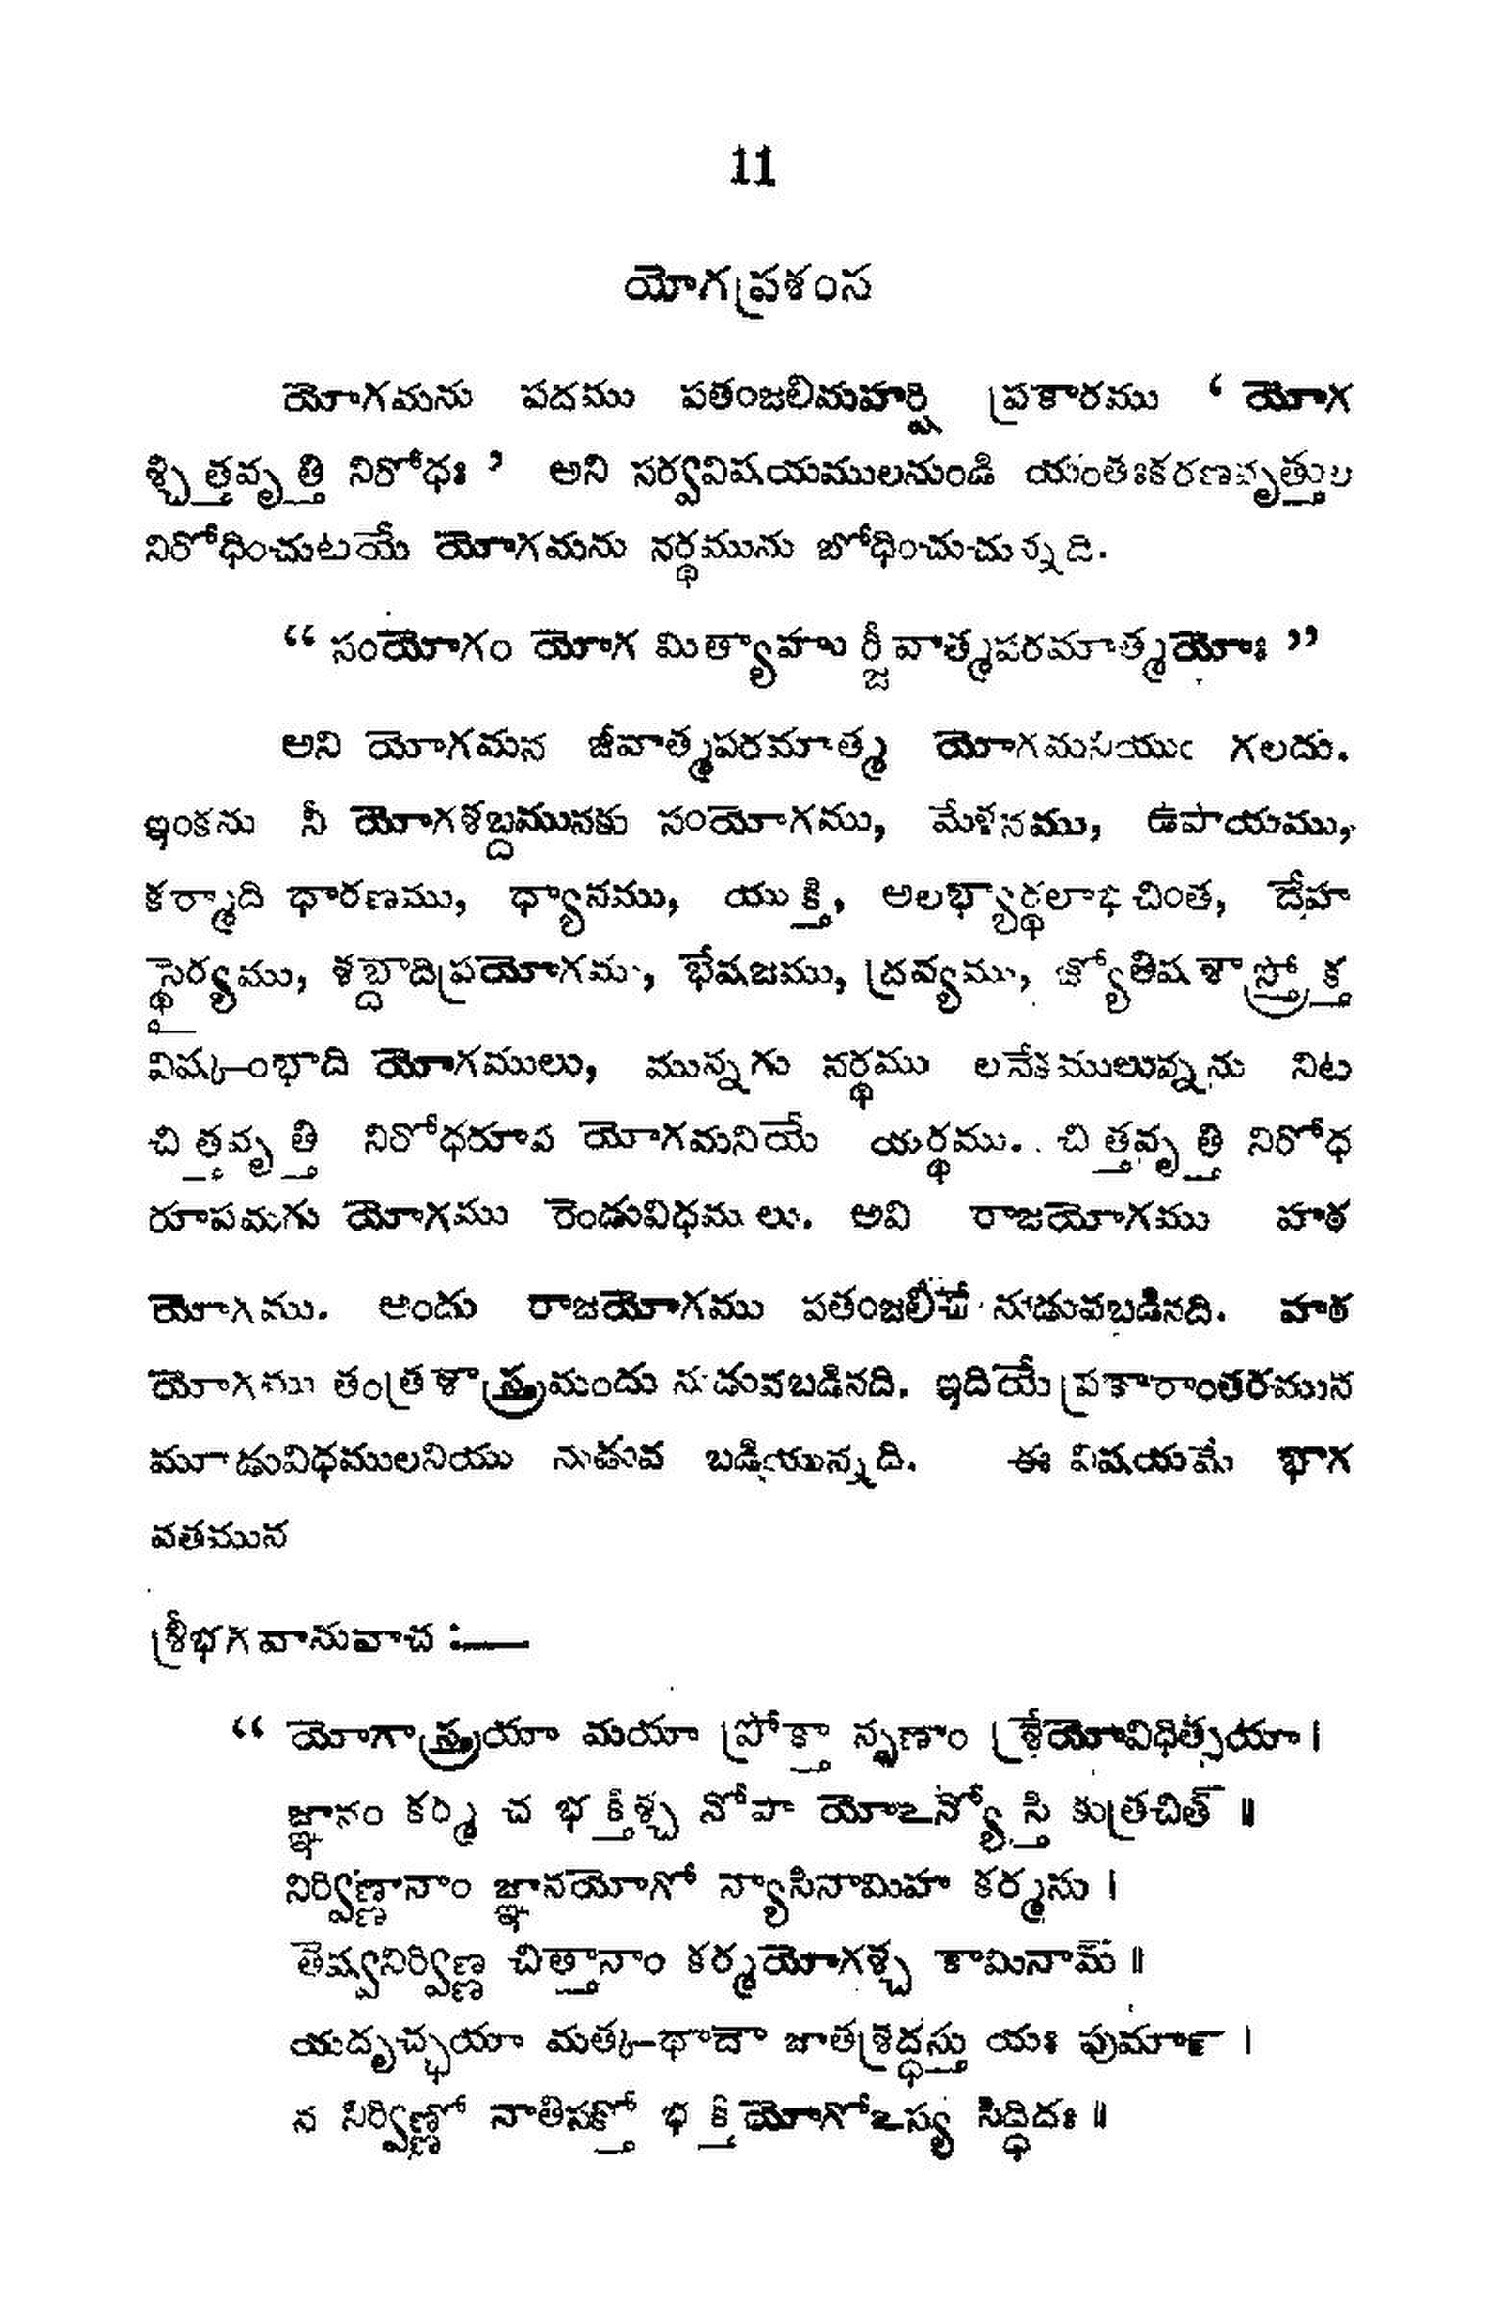యోగప్రశంస
యోగమను పదము పతంజలి మహర్షి ప్రకారము 'యోగశ్చిత్తవృత్తి నిరోధః' అని సర్వవిషయములనుండి యంతఃకరణవృత్తుల నిరోధించుటయే యోగమను నర్థమును బోధించుచున్నది.

అని యోగమన జీవాత్మపరమాత్మ యోగమనియుఁ గలదు. ఇంకను నీ యోగశబ్దమునకు సంయోగము, మేళనము, ఉపాయము, కర్మాదిధారణము, ధ్యానము, యుక్తి, అభ్యర్థలాభచింత, దేహస్థైర్యము, శబ్దాదిప్రయోగము, భేషజము, ద్రవ్యము, జ్యోతిషశాస్త్రోక్తవిష్కంభాదియోగములు, మున్నగు నర్థము లనేకములున్నను నిట చిత్తవృత్తినిరోధరూపయోగ మనియే యర్థము. చిత్తవృత్తినిరోధరూప మగుయోగము రెండువిధములు. అవి రాజయోగము హఠయోగము. అందు రాజయోగము పతంజలిచే నుడువబడినది. హఠయోగము తంత్రశాస్త్రమందు నుడువబడినది. ఇదియే ప్రకారాంతరమున మూడువిధములనియు నుడువబడియున్నది. ఈ విషయమే భాగవతమున

శ్రీభగవానువాచ :-